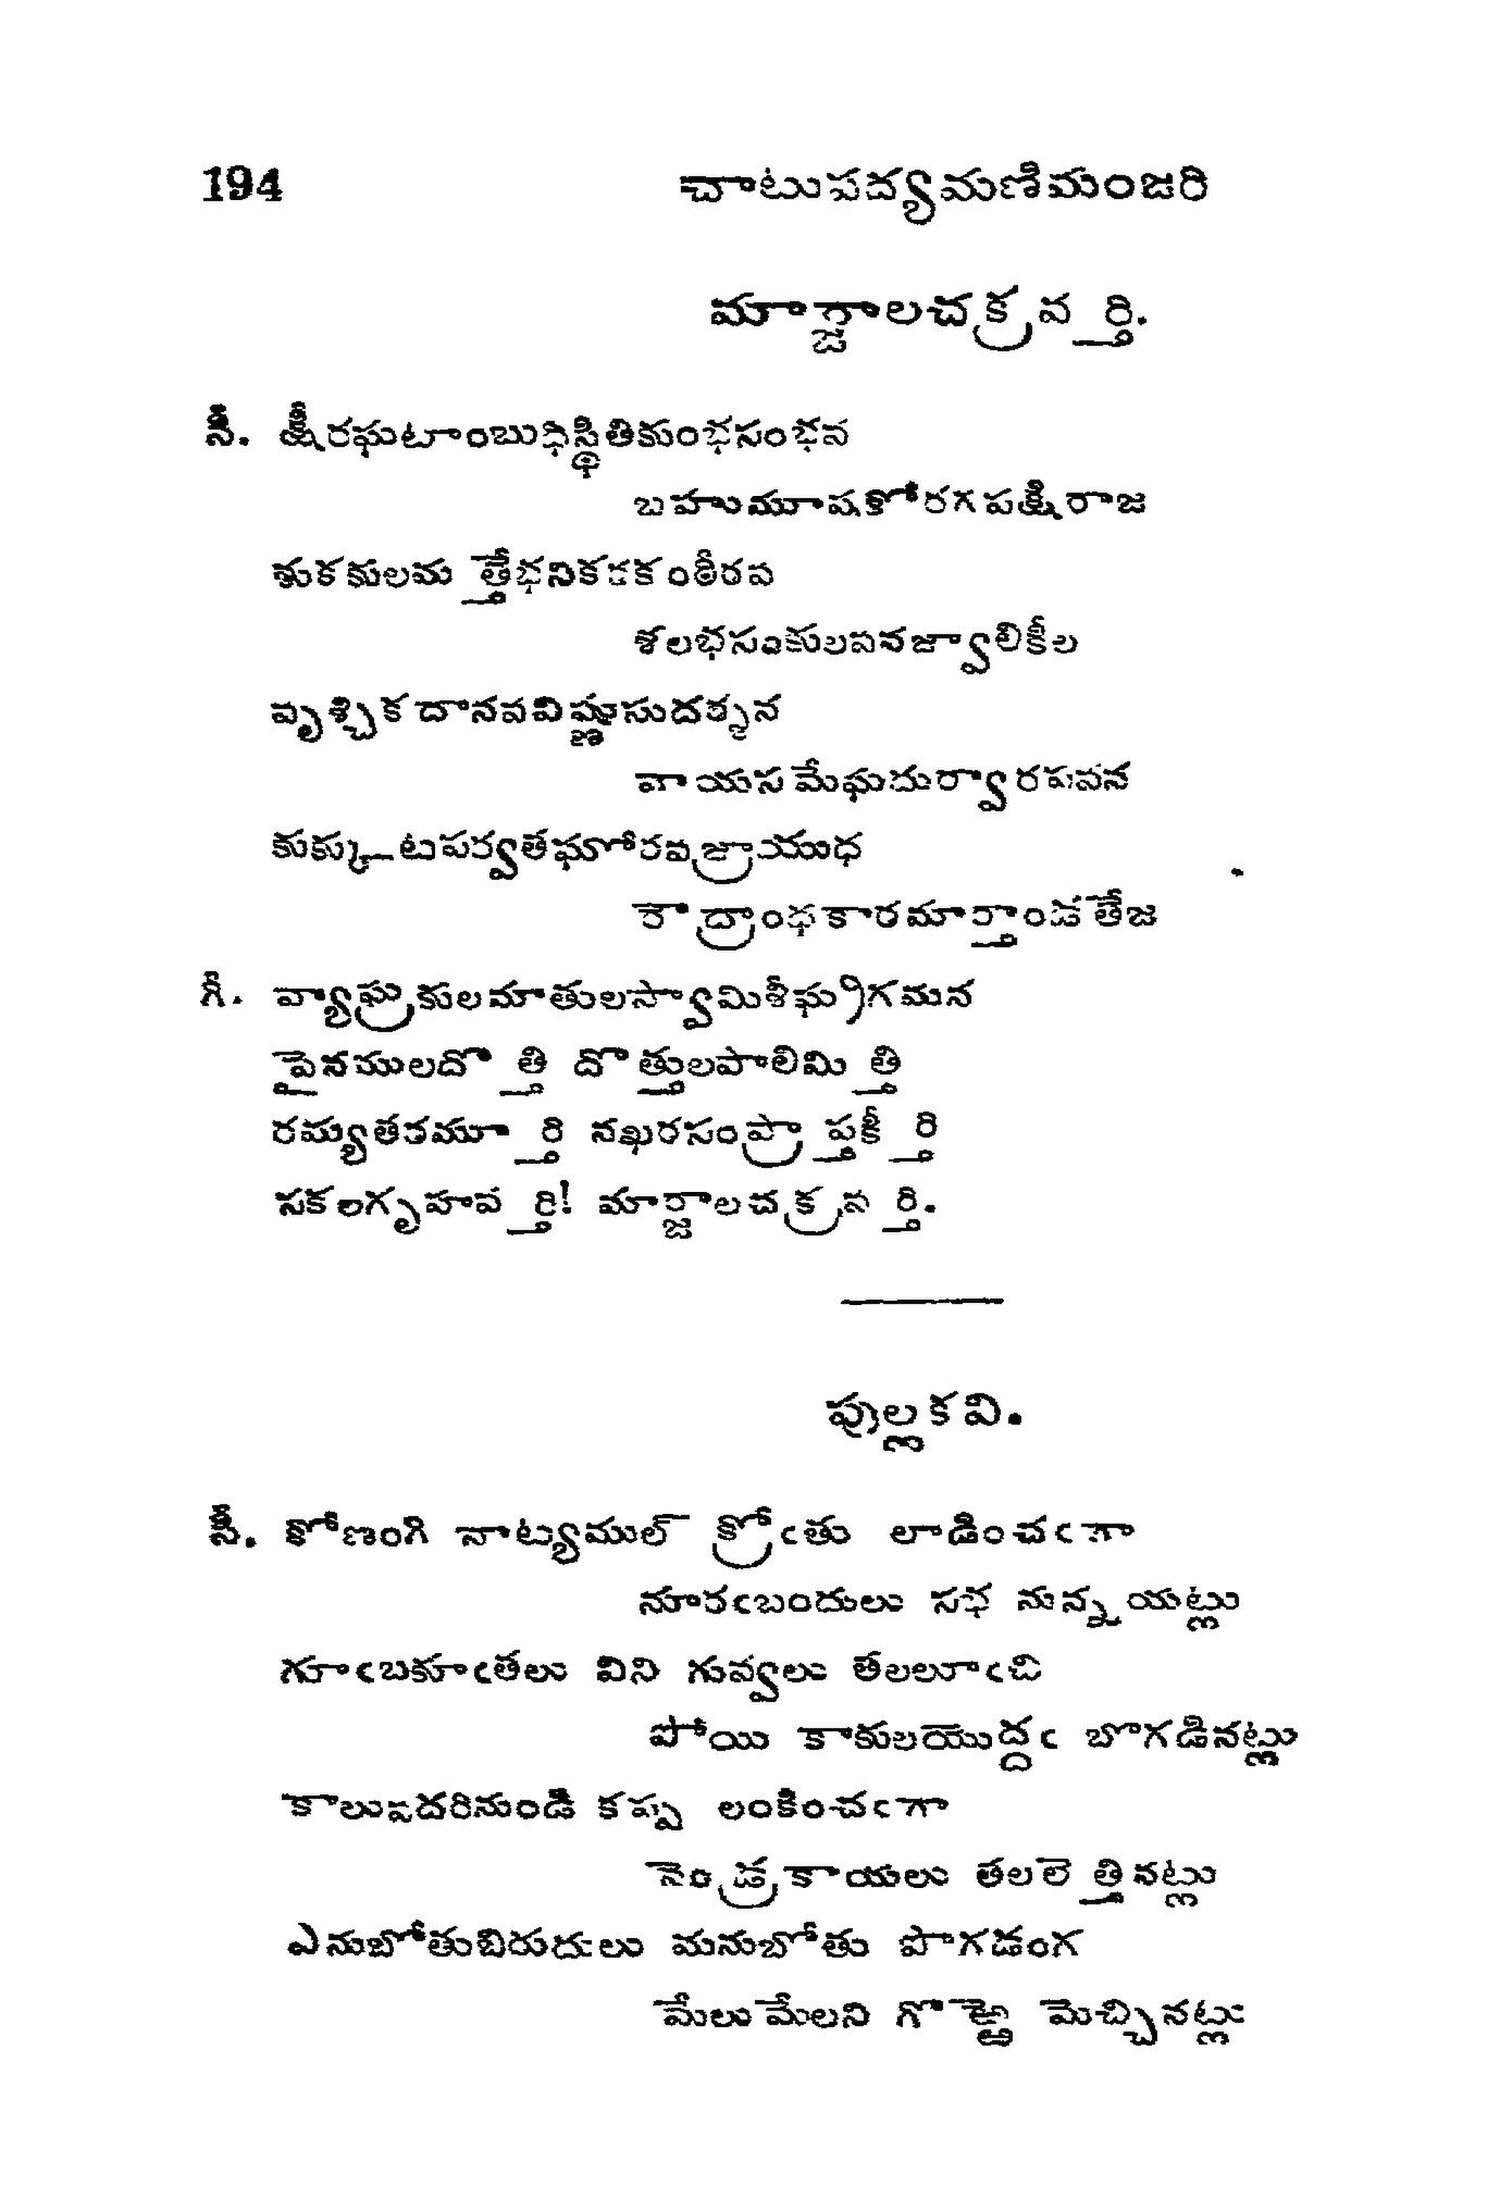సీ. క్షీరఘటాంబుధిస్థితికుంభసంభవ
 బహుమూషకోరగపక్షిరాజ
 శుకకులమత్తేభనికరకంఠీరవ
 శలభసంకులవనజ్వాలికీల
 వృశ్చికదానవవిష్ణుసుదర్శన
 వాయసమేఘదుర్వారపవన
 కుక్కుటపర్వతఘోరవజ్రాయుధ
 రౌద్రాంధకారమార్తాండతేజ
గీ. వ్యాఘ్రకులమాతులస్వామి శీఘ్రగమన
 పైనములదొత్తి దొత్తులపాలిమిత్తి
 రమ్యతరమూర్తి నఖరసంప్రాప్తకీర్తి
 సకలగృహవర్తి! మార్జాలచక్రవర్తి.

సీ. కోణంగి నాట్యముల్ క్రోఁతు లాడించఁగా
 నూరఁబందులు సభ నున్నయట్లు
 గూఁబకూఁతలు విని గువ్వలు తలలూఁచి
 పోయి కాకులయొద్దఁ బొగడినట్లు
 కాలువదరినుండి కప్ప లంకించఁగా
 నెండ్రకాయలు తల లెత్తినట్లు
 ఎనుబోతుబిరుదులు మనుబోతు పొగడంగ
 మేలుమేలని గొఱ్ఱె మెచ్చినట్లు